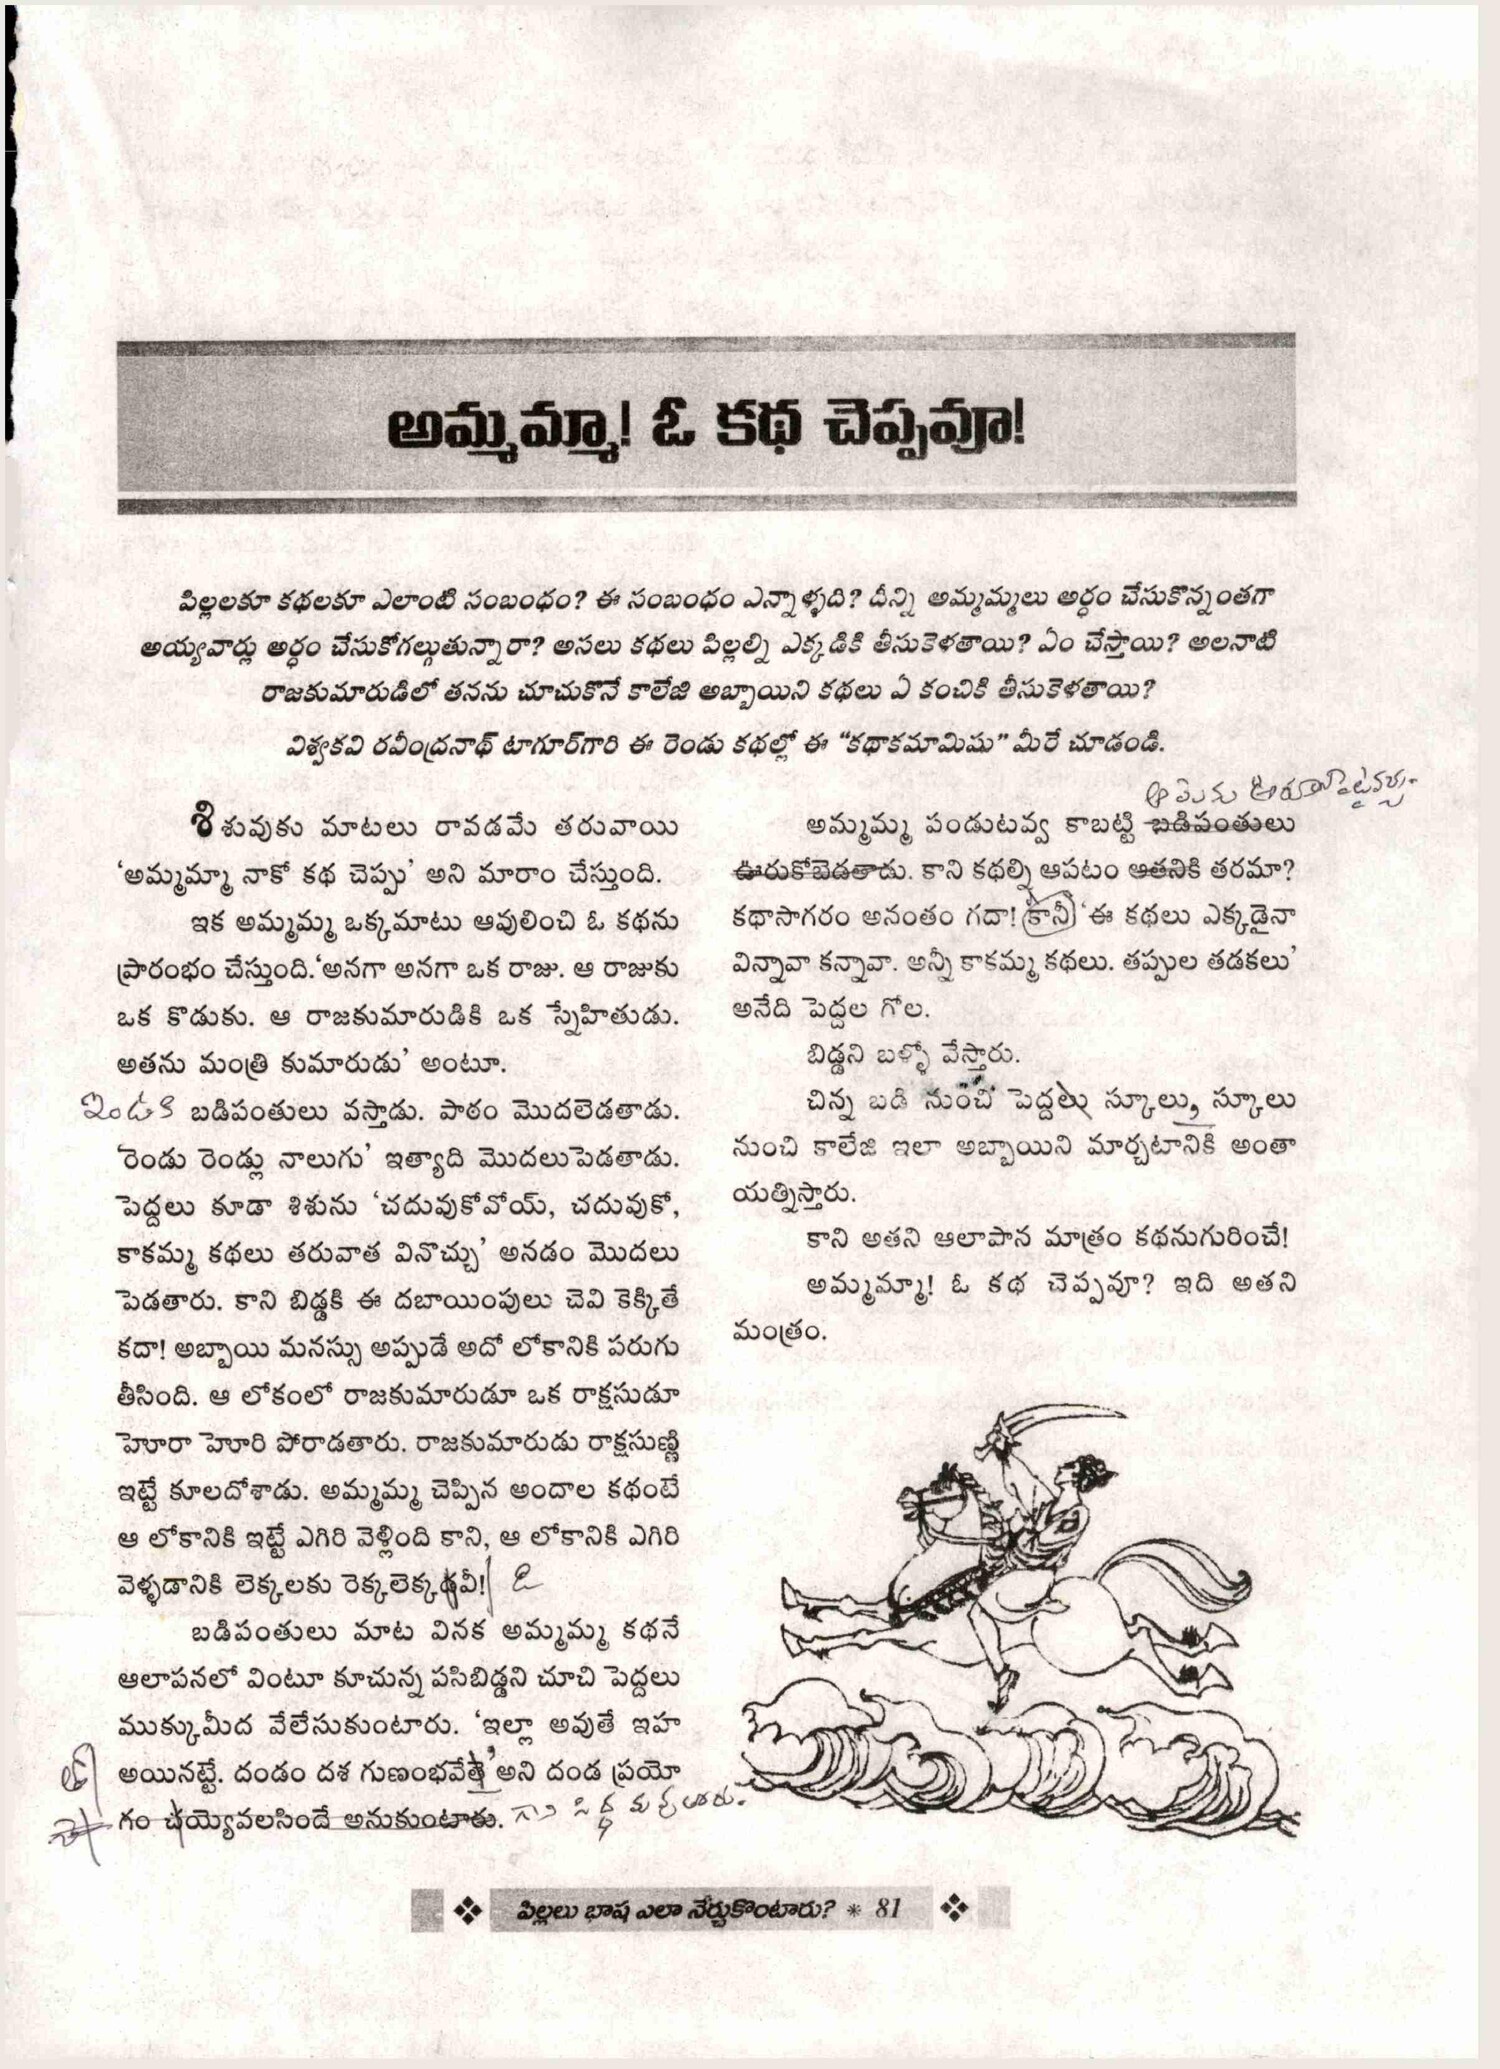అమ్మమ్మా! ఓ కథ చెప్పవూ!

పిల్లలకూ కథలకూ ఎలాంటి సంబంధం? ఈ సంబంధం ఎన్నాళ్ళది? దీన్ని అమ్మమ్మలు అర్ధం చేసుకొన్నంతగా
అయ్యవార్లు అర్ధం చేసుకోగల్గుతున్నారా? అసలు కథలు పిల్లల్ని ఎక్కడికి తీసుకెళతాయి? ఏం చేస్తాయి? అలనాటి
రాజకుమారుడిలో తనను చూచుకొనే కాలేజి అబ్బాయిని కథలు ఏ కంచికి తీసుకెళతాయి? విశ్వకవి రవీంద్రనాథ్ టాగూర్‌గారి ఈ రెండు కథల్లో ఈ "కథాకమామిషు" మీరే చూడండి.

శిశువుకు మాటలు రావడమే తరువాయి 'అమ్మమ్మా నాకో కథ చెప్పు' అని మారాం చేస్తుంది.

ఇక అమ్మమ్మ ఒక్కమాటు ఆవులించి ఓ కథను ప్రారంభం చేస్తుంది.‘అనగా అనగా ఒక రాజు. ఆ రాజుకు ఒక కొడుకు. ఆ రాజకుమారుడికి ఒక స్నేహితుడు. అతను మంత్రి కుమారుడు' అంటూ.

ఇంటికి బడిపంతులు వస్తాడు. పాఠం మొదలెడతాడు. 'రెండు రెండు నాలుగు' ఇత్యాది మొదలుపెడతాడు.
పెద్దలు కూడా శిశును 'చదువుకోవోయ్, చదువుకో, కాకమ్మ కథలు తరువాత వినొచ్చు' అనడం మొదలు పెడతారు. కాని బిడ్డకి ఈ దబాయింపులు చెవి కెక్కితే కదా! అబ్బాయి మనస్సు అప్పుడే అదో లోకానికి పరుగు తీసింది. ఆ లోకంలో రాజకుమారుడూ ఒక రాక్షసుడూ హెూరా హెూరి పోరాడతారు. రాజకుమారుడు రాక్షసుణ్ణి ఇట్టే కూలదోశాడు. అమ్మమ్మ చెప్పిన అందాల కథంటే ఆ లోకానికి ఇట్టే ఎగిరి వెళ్లింది కాని, ఆ లోకానికి ఎగిరి వెళ్ళడానికి లెక్కలకు రెక్కలెక్కడివీ! 

బడిపంతులు మాట వినక అమ్మమ్మ కథనే ఆలాపనలో వింటూ కూచున్న పసిబిడ్డని చూచి పెద్దలు ముక్కుమీద వేలేసుకుంటారు. 'ఇల్లా అవుతే ఇహ అయినట్టే. దండం దశ గుణంభవే' అని దండ ప్రయోగం చెయ్యెవలసిందే అనుకుంటారు. గాని సిద్ధమవుతారు.

అమ్మమ్మ పండుటవ్వ కాబట్టి ఆమెను ఊరుకోపెట్టవచ్చు. కాని కథల్ని ఆపటం అతనికి తరమా? కథాసాగరం అనంతం గదా! ఈ కథలు ఎక్కడైనా విన్నావా కన్నావా. అన్నీ కాకమ్మ కథలు. తప్పుల తడకలు' అనేది పెద్దల గోల.

బిడ్డని బళ్ళో వేస్తారు.

చిన్న బడి నుంచి పెద్ద స్కూలు, స్కూలు నుంచి కాలేజి ఇలా అబ్బాయిని మార్చటానికి అంతా యత్నిస్తారు.

కాని అతని ఆలాపాన మాత్రం కథనుగురించే!

అమ్మమ్మా! ఓ కథ చెప్పవూ? ఇది అతని మంత్రం.